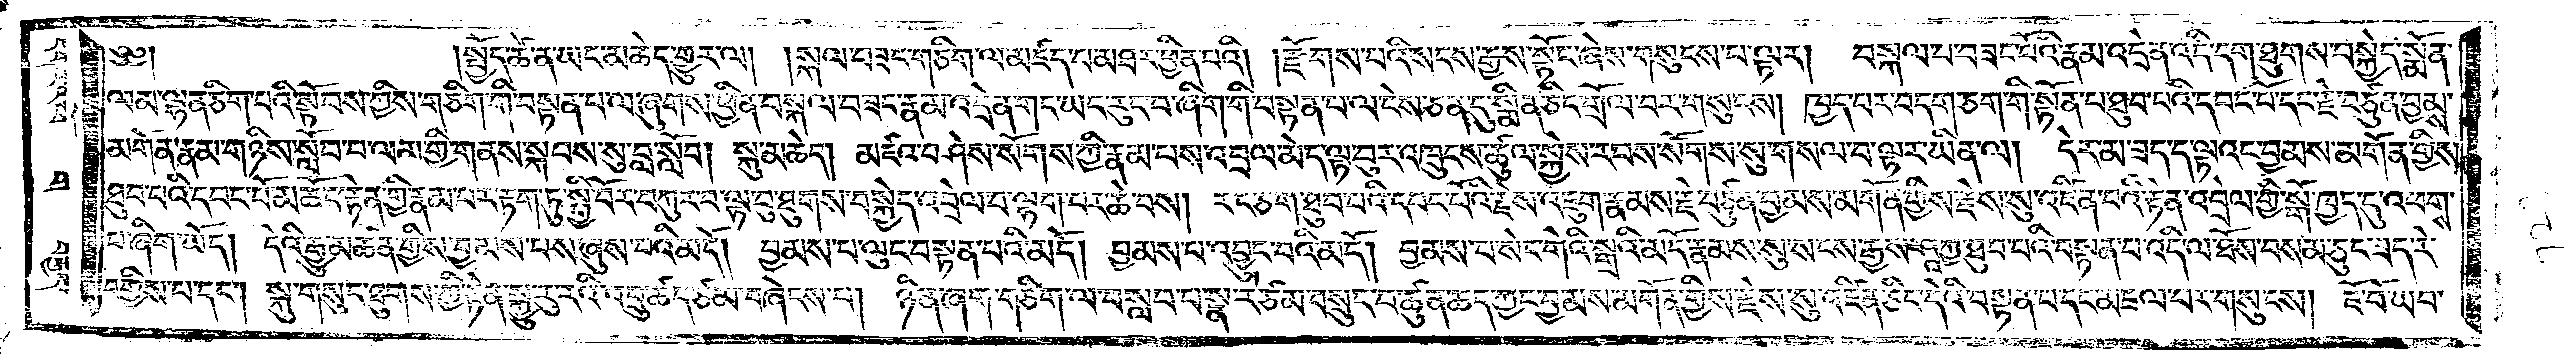༄༅། །སྤྱོད་ཚེ་ན་ཡང་མཆེད་གྱུར་ལ། །སྐལ་བཟང་གཅིག་ལ་མཛད་པ་མཐར་ཕྱིན་པའི། །རྫོགས་པའི་སངས་རྒྱས་སྟོང་ཞེས་གསུངས་པ་ལྟར། བསྐལ་པ་བཟང་པོའི་རྣམ་འདྲེན་འདི་དག་ཐུགས་བསྐྱེད་སྨོན་
ལམ་ལྷན་ཅིག་པའི་སྟོབས་ཀྱིས་གཅིག་གི་བསྟན་པ་ལ་ཞུགས་ཕྱིན་བསྐལ་བཟང་རྣམ་འདྲེན་གང་ཡང་རུང་བ་ཞིག་གི་བསྟན་པ་ལ་ངེས་ཅན་དུ་སྨིན་ཅིང་གྲོལ་བར་གསུངས། ཁྱད་པར་བདག་ཅག་གི་སྟོན་པ་ཐུབ་པའི་དབང་པོ་དང་རྗེ་བཙུན་བྱམས་
མགོན་རྣམ་གཉིས་སློབ་པ་ལམ་གྱི་གནས་སྐབས་སུ་བླ་སློབ། སྐུ་མཆེད། མཛའ་བཤེས་སོགས་ཀྱི་རྣམ་པས་འབྲལ་མེད་ལྟ་བུར་འཁྲུངས་ཚུལ་སྐྱེས་རབས་སོགས་སུ་གསལ་བ་ལྟར་ཡིན་ལ། དེར་མ་ཟད་ད་ལྟའང་བྱམས་མགོན་གྱིས་
ཐུབ་པའི་དབང་པོ་མཆོད་རྟེན་གྱི་རྣམ་པར་རྟག་ཏུ་སྤྱི་བོར་བཀུར་བ་ལྟ་བུ་ཐུགས་བསྐྱེད་འབྲེལ་བ་ལྷག་པར་ཆེ་བས། རང་ཅག་ཐུབ་པའི་དབང་པོའི་རྗེས་འཇུག་རྣམས་རྗེ་བཙུན་བྱམས་མགོན་གྱིས་རྗེས་སུ་འཛིན་པའི་རྟེན་འབྲེལ་གྱི་སྒོ་ཁྱད་དུ་འཕགས་
པ་ཞིག་ཡོད། དེའི་རྒྱུ་མཚན་གྱིས་བྱམས་པས་ཞུས་པའི་མདོ། བྱམས་པ་ལུང་བསྟན་པའི་མདོ། བྱམས་པ་འབྱུང་བའི་མདོ། བྱམས་པ་སེང་གེའི་སྒྲའི་མདོ་རྣམས་སུ་སངས་རྒྱས་ཤཱཀྱ་ཐུབ་པའི་བསྟན་པ་འདི་ལ་ཐོས་བསམ་ཅུང་ཟད་རེ་
བགྱིས་པ་དང་། སྐུ་གསུང་ཐུགས་ཀྱི་རྟེན་སྐྱུ་རུ་རའི་འབྲུ་ཚད་ཙམ་བཞེངས་པ། ཉིན་ཞག་གཅིག་ལ་བསླབ་པ་སྣར་ཙམ་བསྲུང་བྪུན་ཆད་ཀྱང་བྱམས་མགོན་གྱིས་རྗེས་སུ་འཛིན་ཅིང་དེའི་བསྟན་པ་དང་མཇལ་བར་གསུངས། ཇོ་བོ་ཡབ་